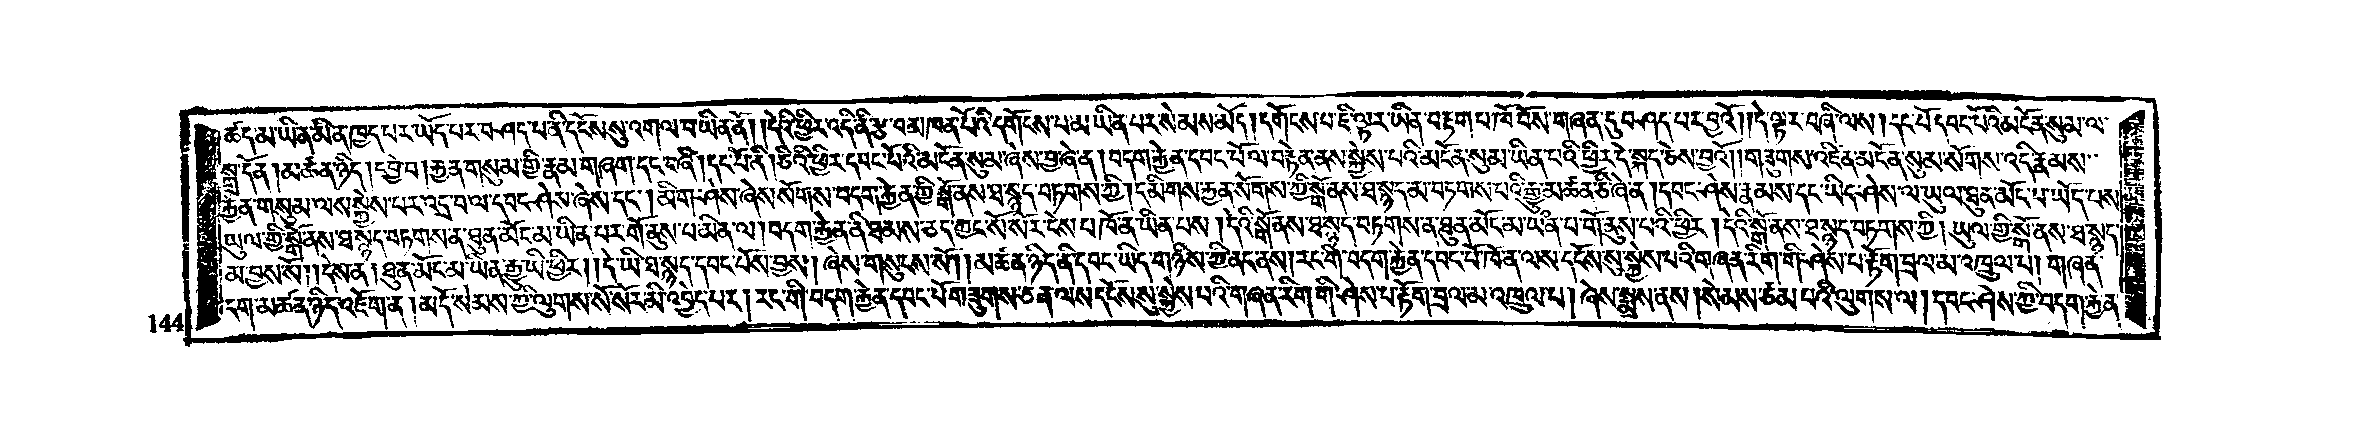ཚད་མ་ཡིན་མིན་ཁྱད་པར་ཡོད་པར་བཤད་པ་ནི་དངོས་སུ་འགལ་བ་ཡིན་ནོ། །དེའི་ཕྱིར་འདི་ནི་རྩ་བ་མཁན་པོའི་དགོངས་པ་མ་ཡིན་པར་སེམས་མོད། དགོངས་པ་ཇི་ལྟར་ཡིན་བརྟག་པ་ཁོ་བོས་གཞན་དུ་བཤད་པར་བྱའོ། །དེ་ལྟར་བཞི་ལས། དང་པོ་དབང་པོའི་མངོན་སུམ་ལ་
སྒྲ་དོན། མཚན་ཉིད། དབྱེ་བ། རྐྱེན་གསུམ་གྱི་རྣམ་གཞག་དང་བཞི། དང་པོ་ནི། ཅིའི་ཕྱིར་དབང་པོའི་མངོན་སུམ་ཞེས་བྱ་ཞེ་ན། བདག་རྐྱེན་དབང་པོ་ལ་བརྟེན་ནས་སྐྱེས་པའི་མངོན་སུམ་ཡིན་པའི་ཕྱིར་དེ་སྐད་ཅེས་བྱའོ། །གཟུགས་འཛིན་མངོན་སུམ་སོགས་འདི་རྣམས་
རྐྱེན་གསུམ་ལས་སྐྱེས་པར་འདྲ་བ་ལ་དབང་ཤེས་ཞེས་དང་། མིག་ཤེས་ཞེས་སོགས་བདག་རྐྱེན་གྱི་སྒོ་ནས་ཐ་སྙད་བཏགས་ཀྱི། དམིགས་རྐྱེན་སོགས་ཀྱི་སྒོ་ནས་ཐ་སྙད་མ་བཏགས་པའི་རྒྱུ་མཚན་ཅི་ཞེ་ན། དབང་ཤེས་རྣམས་དང་ཡིད་ཤེས་ལ་ཡུལ་ཐུན་མོང་བ་ཡོད་པས་
ཡུལ་གྱི་སྒོ་ནས་ཐ་སྙད་བཏགས་ན་ཐུན་མོང་མ་ཡིན་པར་གོ་ནུས་པ་མིན་ལ། བདག་རྐྱེན་ནི་ཐམས་ཅད་ཀྱང་སོ་སོར་ངེས་པ་ཁོ་ན་ཡིན་པས། དེའི་སྒོ་ནས་ཐ་སྙད་བཏགས་ན་ཐུན་མོང་མ་ཡིན་པ་གོ་ནུས་པའི་ཕྱིར། དེའི་སྒོ་ནས་ཐ་སྙད་བཏགས་ཀྱི། ཡུལ་གྱི་སྒོ་ནས་ཐ་སྙད་
མ་བྱས་སོ། །དེས་ན། ཐུན་མོང་མ་ཡིན་རྒྱུ་ཡི་ཕྱིར། །དེ་ཡི་ཐ་སྙད་དབང་པོས་བྱས། ཞེས་གསུངས་སོ། །མཚན་ཉིད་ནི་དབང་ཡིད་གཉིས་ཀྱི་ནང་ནས། རང་གི་བདག་རྐྱེན་དབང་པོ་ཁོ་ན་ལས་དངོས་སུ་སྐྱེས་པའི་གཞན་རིག་གི་ཤེས་པ་རྟོག་བྲལ་མ་འཁྲུལ་པ། གཞན་
དག་མཚན་ཉིད་འཇོག་ན། མདོ་སེམས་ཀྱི་ལུགས་སོ་སོར་མི་འབྱེད་པར། རང་གི་བདག་རྐྱེན་དབང་པོ་གཟུགས་ཅན་ལས་དངོས་སུ་སྐྱེས་པའི་གཞན་རིག་གི་ཤེས་པ་རྟོག་བྲལ་མ་འཁྲུལ་པ། ཞེས་སྨྲས་ནས། སེམས་ཙམ་པའི་ལུགས་ལ། དབང་ཤེས་ཀྱི་བདག་རྐྱེན་